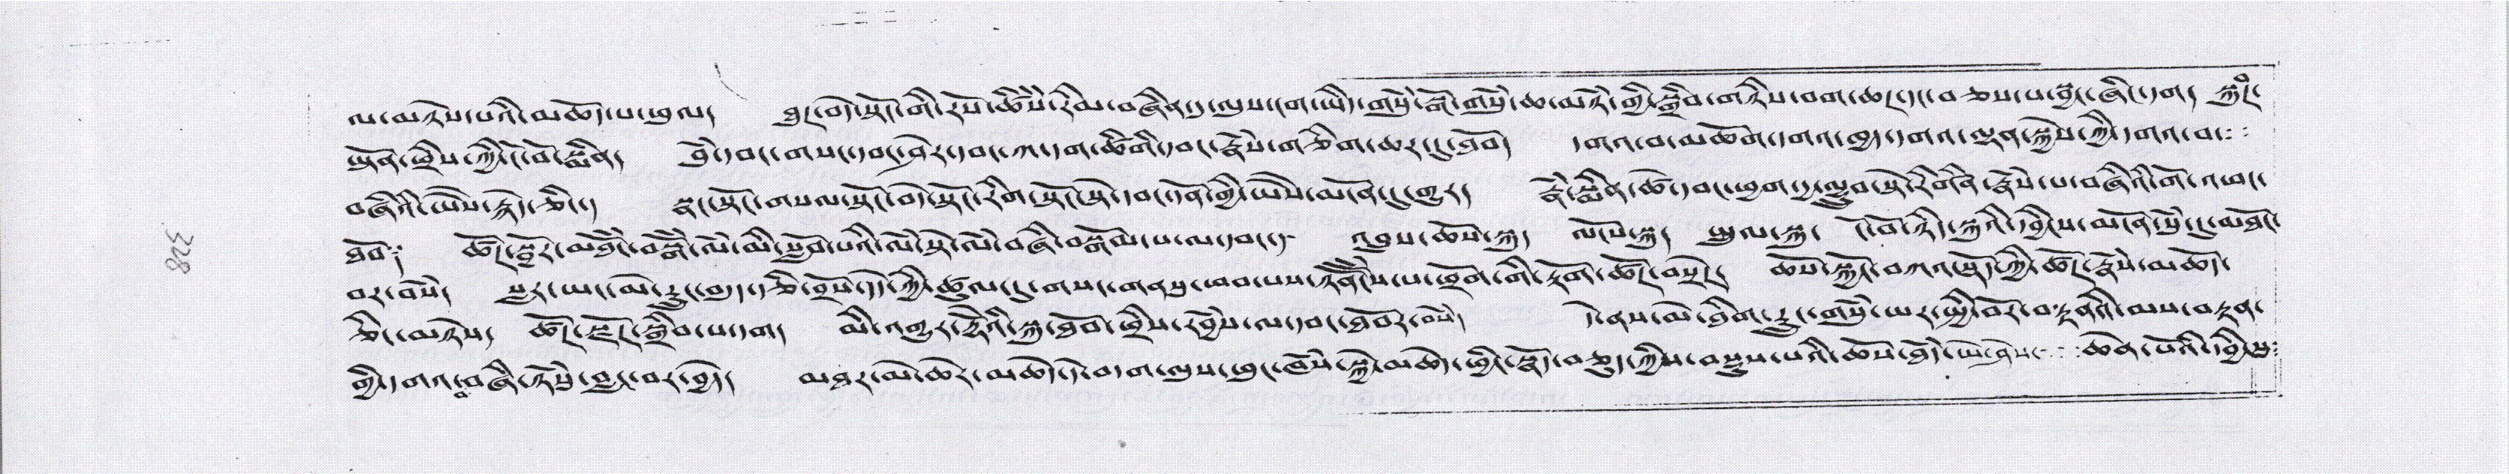ལ་མཉེས་པའི་མཆོད་པ་ཕུལ། ཐུགས་བདེ་སྟོང་གི་རོས་ཚིམས་རིམ་བཞིན་དུ་ལུས་ངག་ཡིད་གསུམ་སྒོ་གསུམ་ཆ་མཉམ་གྱི་སྒྲིབ་གཉིས་བག་ཆགས་དང་བཅས་པ་སྦྱང་ཞིང་དག སྐུ་གསུང་ཐུགས་
ཡོན་ཏན་ཕྲིན་ལས་ཀྱི་ངོ་བོ་སྨིན། བུམ་དབང་གསང་དབང་ཤེར་དབང་ཀ་དག་ཚིག་གི་དབང་རྣམས་གཅིག་ཆར་དུ་ཐོབ། དགའ་བ་མཆོག་དགའ་ཁྱད་དགའ་ལྷན་སྐྱེས་ཀྱི་དགའ་བ་
བཞིའི་ཡེ་ཤེས་རྙེད་ཅིང། སྣང་སྟོང་གསལ་སྟོང་བདེ་སྟོང་རིག་སྟོང་སྟེ་དབང་དོན་གྱི་ཡེ་ཤེས་མངོན་དུ་གྱུར། རྣམ་སྨིན་ཚེ་དབང་ཕྱག་རྒྱ་ལྷུན་གྲུབ་སྟེ་རིག་འཛིན་རྣམ་པ་བཞིའི་གོ་འཕང་
ཐོབ། ཚོགས་སྦྱོར་མཐོང་བསྒོམ་ལམ་མི་སློབ་པའི་ལམ་སྟེ་ལམ་བཞི་བསྒོམ་པ་ལ་དབང། འབྲུས་ཆོས་སྐུ། ལོངས་སྐུ། སྤྲུལ་སྐུ། ངོ་བོ་ཉིད་སྐུའི་དབྱིངས་མངོན་གསུམ་དུ་མཐོང་
བར་བསམ། སླར་ཡང་མེ་རླུང་བདུད་རྩི་བྲོས་དེད་ཀྱི་ཚུལ་དུ་གསང་གནས་སུ་ཕབ་པས་ཉོན་མོངས་པ་ཕྲག་དོག་གི་རྟོག་ཚོགས་བསྲེགས། ཆོས་སྐྱོང་བཀའ་སྡོད་ཀྱི་ཚོགས་རྣམས་མཆོད་
ཅིང་མཉེས། ཚོགས་རྫོགས་སྒྲིབ་པ་དག མི་འགྱུར་རྡོ་རྗེའི་སྐུ་ཐོབ་ཕྲིས་རབ་འབྱམས་ལ་དབང་ཐོབ་པར་བསམ། དེ་ནས་མེ་ཐིག་རླུང་གསུམ་ཡར་སྤྱི་བོར་བརྟན་པའི་མས་བརྟན་
གྱི་དགའ་བ་བཞི་ཉམས་སུ་བླང་བར་བྱེད། མཐར་མེ་ཆར་མཆོད་དེ་བདག་ལུས་ཕུང་ཁམས་སྐྱེ་མཆེད་ཕྱི་ནང་སྣོད་བཅུད་ཀྱིས་བསྡུས་པའི་ཆོས་ཐམས་ཅད་ཡེ་ཤེས་ཆེན་པོའི་དབྱིངས་སུ་